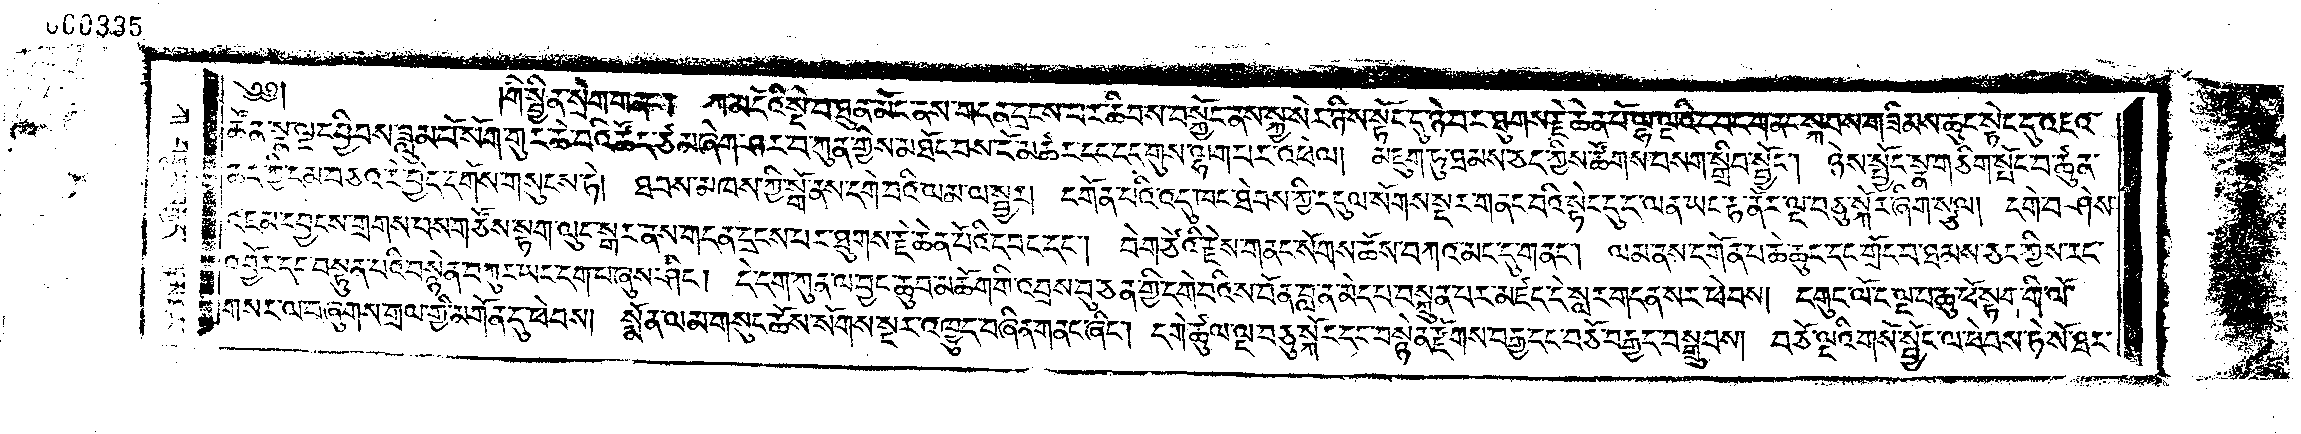༄༅། །གི་སྦྱིན་སྲེག་གནང་། ཀ་མངོའི་སྡེ་བ་ཐུན་མོང་ནས་གདན་དྲངས་པར་ཆིབས་བསྐྱོང་ནས་སྐྱ་སེར་ཉིས་སྟོང་དུ་ཉེ་བར་ཐུགས་རྗེ་ཆེན་པོ་ལྷ་ལྔའི་དབང་གནང་སྐབས་གཟིམས་ཆུང་སྟེང་དུ་འཇའ་
ཚན་སྣ་ལྔ་དབྱིབས་ཟླུམ་པོ་སོག་གུར་ཆེ་བའི་ཚོད་ཙམ་ཞིག་ཤར་བ་ཀུན་གྱིས་མཐོང་བས་ངོ་མཚར་དང་དང་གུས་ལྷག་པར་འཕེལ། མཇུག་ཏུ་ཐམས་ཅད་ཀྱིས་ཚོགས་བསག་སྒྲིབ་སྦྱོང་། ཉེས་སྦྱོང་སྣ་གཅིག་སྤོང་བ་ཚུན་
ཆད་ཀྱི་དམ་བཅའ་རེ་བྱེད་དགོས་གསུངས་ཏེ། ཐབས་མཁས་ཀྱི་སྒོ་ནས་དགེ་བའི་ལམ་ལ་སྦྱར། དགོན་པའི་འདུ་ཁང་ཐེབས་ཀྱི་དངུལ་སོགས་སྔར་གནང་བའི་སྟེང་དུ་ང་ལན་ཡང་རྟ་ནོར་ལྔ་བཅུ་སྐོར་ཞིག་སྩལ། དགེ་བཤེས་
འཇམ་དབྱངས་གྲགས་པས་གཙོས་སྟག་ལུང་སྒར་ནས་གདན་དྲངས་པར་ཐུགས་རྗེ་ཆེན་པོའི་དབང་དང་། བེག་ཙེའི་རྗེས་གནང་སོགས་ཆོས་བཀའ་མང་དུ་གནང་། ལམ་ནས་དགོན་པ་ཆེ་ཆུང་དང་གྲོང་བ་ཐམས་ཅད་ཀྱིས་རང་
འབྱོར་དང་བསྟུན་པའི་བསྟེན་བཀུར་ཡང་དག་པ་ཞུས་ཤིང་། དེ་དག་ཀུན་ལ་བྱང་ཆུབ་མཆོག་གི་འབྲས་བུ་ཅན་གྱི་དགེ་བའི་ས་བོན་བླ་ན་མེད་པ་བསྐྲུན་པར་མཛད་དེ་སླར་གདན་སར་ཕེབས། དགུང་ལོ་ང་ལྔ་པ་ཆུ་ཕོ་སྟག་གི་ལོ་
གསར་ལ་བཞུགས་གྲལ་གྱི་མགོན་དུ་ཕེབས། སྨོན་ལམ་གསུང་ཆོས་སོགས་སྔར་འཁྱུད་བཞིན་གནང་ཞིང་། དགེ་ཚུལ་ལྔ་བཅུ་སྐོར་དང་བསྙེན་རྫོགས་བརྒྱ་དང་བཅོ་བརྒྱད་བསྒྲུབས། བཅོ་ལྔའི་གསོ་སྦྱོང་ལ་ཕེབས་ཏེ་སོ་ཐར་